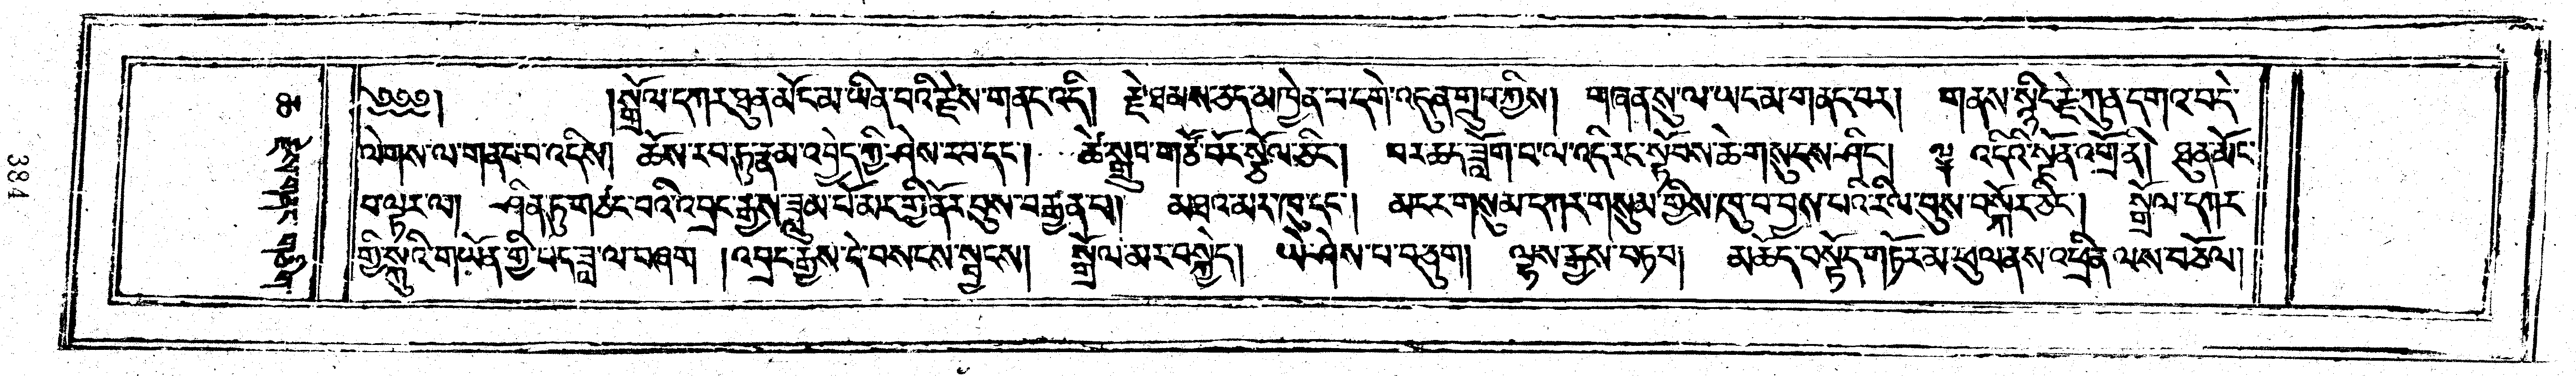༄༅༅། །སྒྲོལ་དཀར་ཐུན་མོང་མ་ཡིན་བའི་རྗེས་གནང་འདི། རྗེ་ཐམས་ཅད་མཁྱེན་པ་དགེ་འདུན་གྲུབ་ཀྱིས། གཞན་སུ་ལ་ཡང་མ་གནད་བར། གནས་སྙིང་རྗེ་ཀུན་དགའ་བདེ་
ལེགས་ལ་གནབ་བ་འདིས། ཆོས་རབ་ཏུ་རྣམ་འབྱེད་ཀྱི་ཤེས་རབ་དང་། ཚེ་སྒྲུབ་གཙོ་བོར་སྩོལ་ཅིང་། བར་ཆད་ཟློག་བ་ལ་འདི་རང་སྟོབས་ཆེ་གསུངས་ཤིང་། ༈ འདིའི་སྔོན་འགྲོ་ནི། ཐུན་མོང་
བ་ལྟར་ལ། ཤིན་ཏུ་གཙང་བའི་འབྲང་རྒྱས་ཟླུམ་པོ་མར་གྱི་ནོར་བུས་བརྒྱན་པ། མཐའ་མར་ཁུ་དང་། མངར་གསུམ་དཀར་གསུམ་གྱིས་ཁུ་བ་བྱས་པའི་རིལ་བུས་བསྐོར་ཅིང་། སྒྲོལ་དཀར་
གྱི་སྐུའི་གཡོན་གྱི་པད་ཟླ་ལ་བཞག །འབྲང་རྒྱས་དེ་བསངས་སྦྱངས། སྒྲོལ་མར་བསྐྱེད། ཡེ་ཤེས་པ་བཅུག། ལྷས་རྒྱས་བཏབ། མཆོད་བསྟོད་གཏོར་མ་ཕུལ་ནས་འཕྲིན་ལས་བཅོལ།